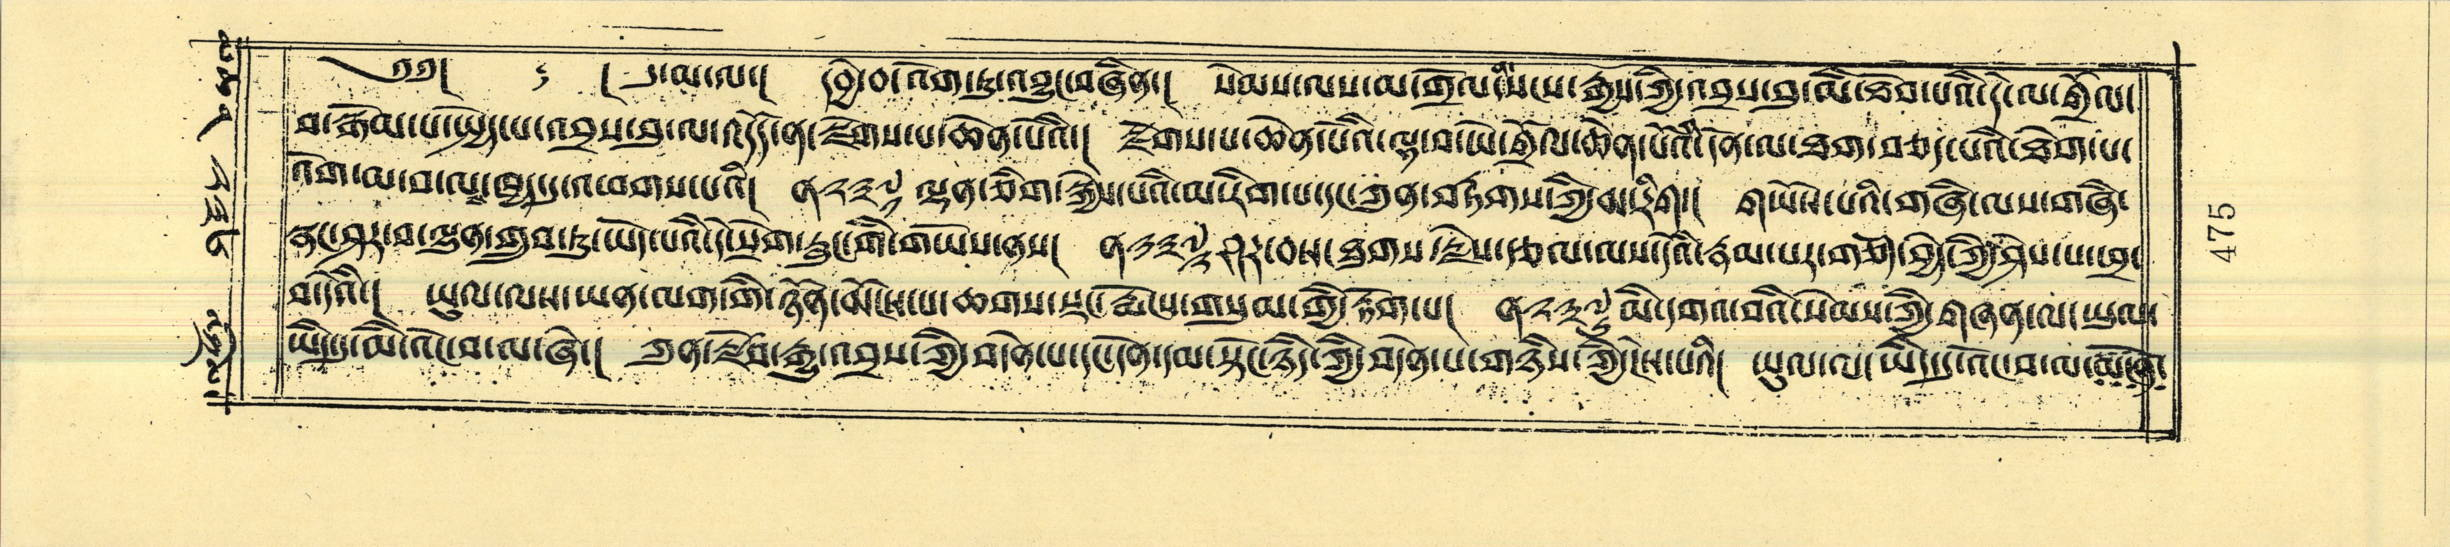དུ་མ་ལ།༼དབྱེ་བ༽འོག་ཏུ་འབྱུང་བཞིན་སེམས་ལས་མ་གྲོལ་པའི་སངས་རྒྱས་ཀྱི་འབྲས་བུ་མི་འཐོབ་པས་དེ་ལ་༼གྲོལ་
བ༽བསྒོམ་པ་སྤྱོད་པ་འབྲས་བུ་ལ་༼འདོད་ན༽རྫོགས་པ་ཆེན་པོའི་ལྟ་བ་༼ཡེ་གྲོལ་ཆེན་པོའི༽དོན་ལ་ཐག་བཅད་པའི་ཐེག་པ་
འོག་མ་བ་ལ་ཁྱད་དུ་འཕགས་པའི་ན༢༣༧།༡ལྷན་ཅིག་སྐྱེས་པའི་མ་རིག་པ་དང་ཀུན་བཏགས་ཀྱི་༼མ་རིག༽༼གཡོས་པའི༽གཞི་ལས་གཞི་
སྣང་གཡོས་ཤར་བ་ལྷུན་གྲུབ་ཏུ་ཡོད་པའི་དེ་སྲོག་རླུང་གི་གཡོས་ནས། ན༢༣༧།༢༼ཤར་བས༽ཐུགས་རྗེའི་རྩལ་ལས་དེིའི་རྣམ་པར་གཅོད་བྱེད་ཀྱི་ཤེས་པ་ཕྲ་
བ་དེའི་༼ཡུལ་ལས༽ཡན་ལག་གི་༼ཉོན་མོངས་པ༽ཆགས་སྡང་རྨོངས་གསུམ་གྱི་རྟོག་པ་ན༢༣༧།༦མི་དགའ་བའི་སེམས་ཀྱི་༼གཞན་ལ༽ཡུལ་
ཡིད་དུ་མི་འོང་བ་ལ་ཞེ། ཀུན་རྫོབ་རྒྱུ་འབྲས་ཀྱི་བདེན་པ་དང་དོན་དམ་སྟོང་ཉིད་ཀྱི་བདེན་པ་གཉིས་ཀྱི་ངེས་པའི་༼ཡུལ་ལ༽ཡིད་དུ་འོང་བ་ལ་